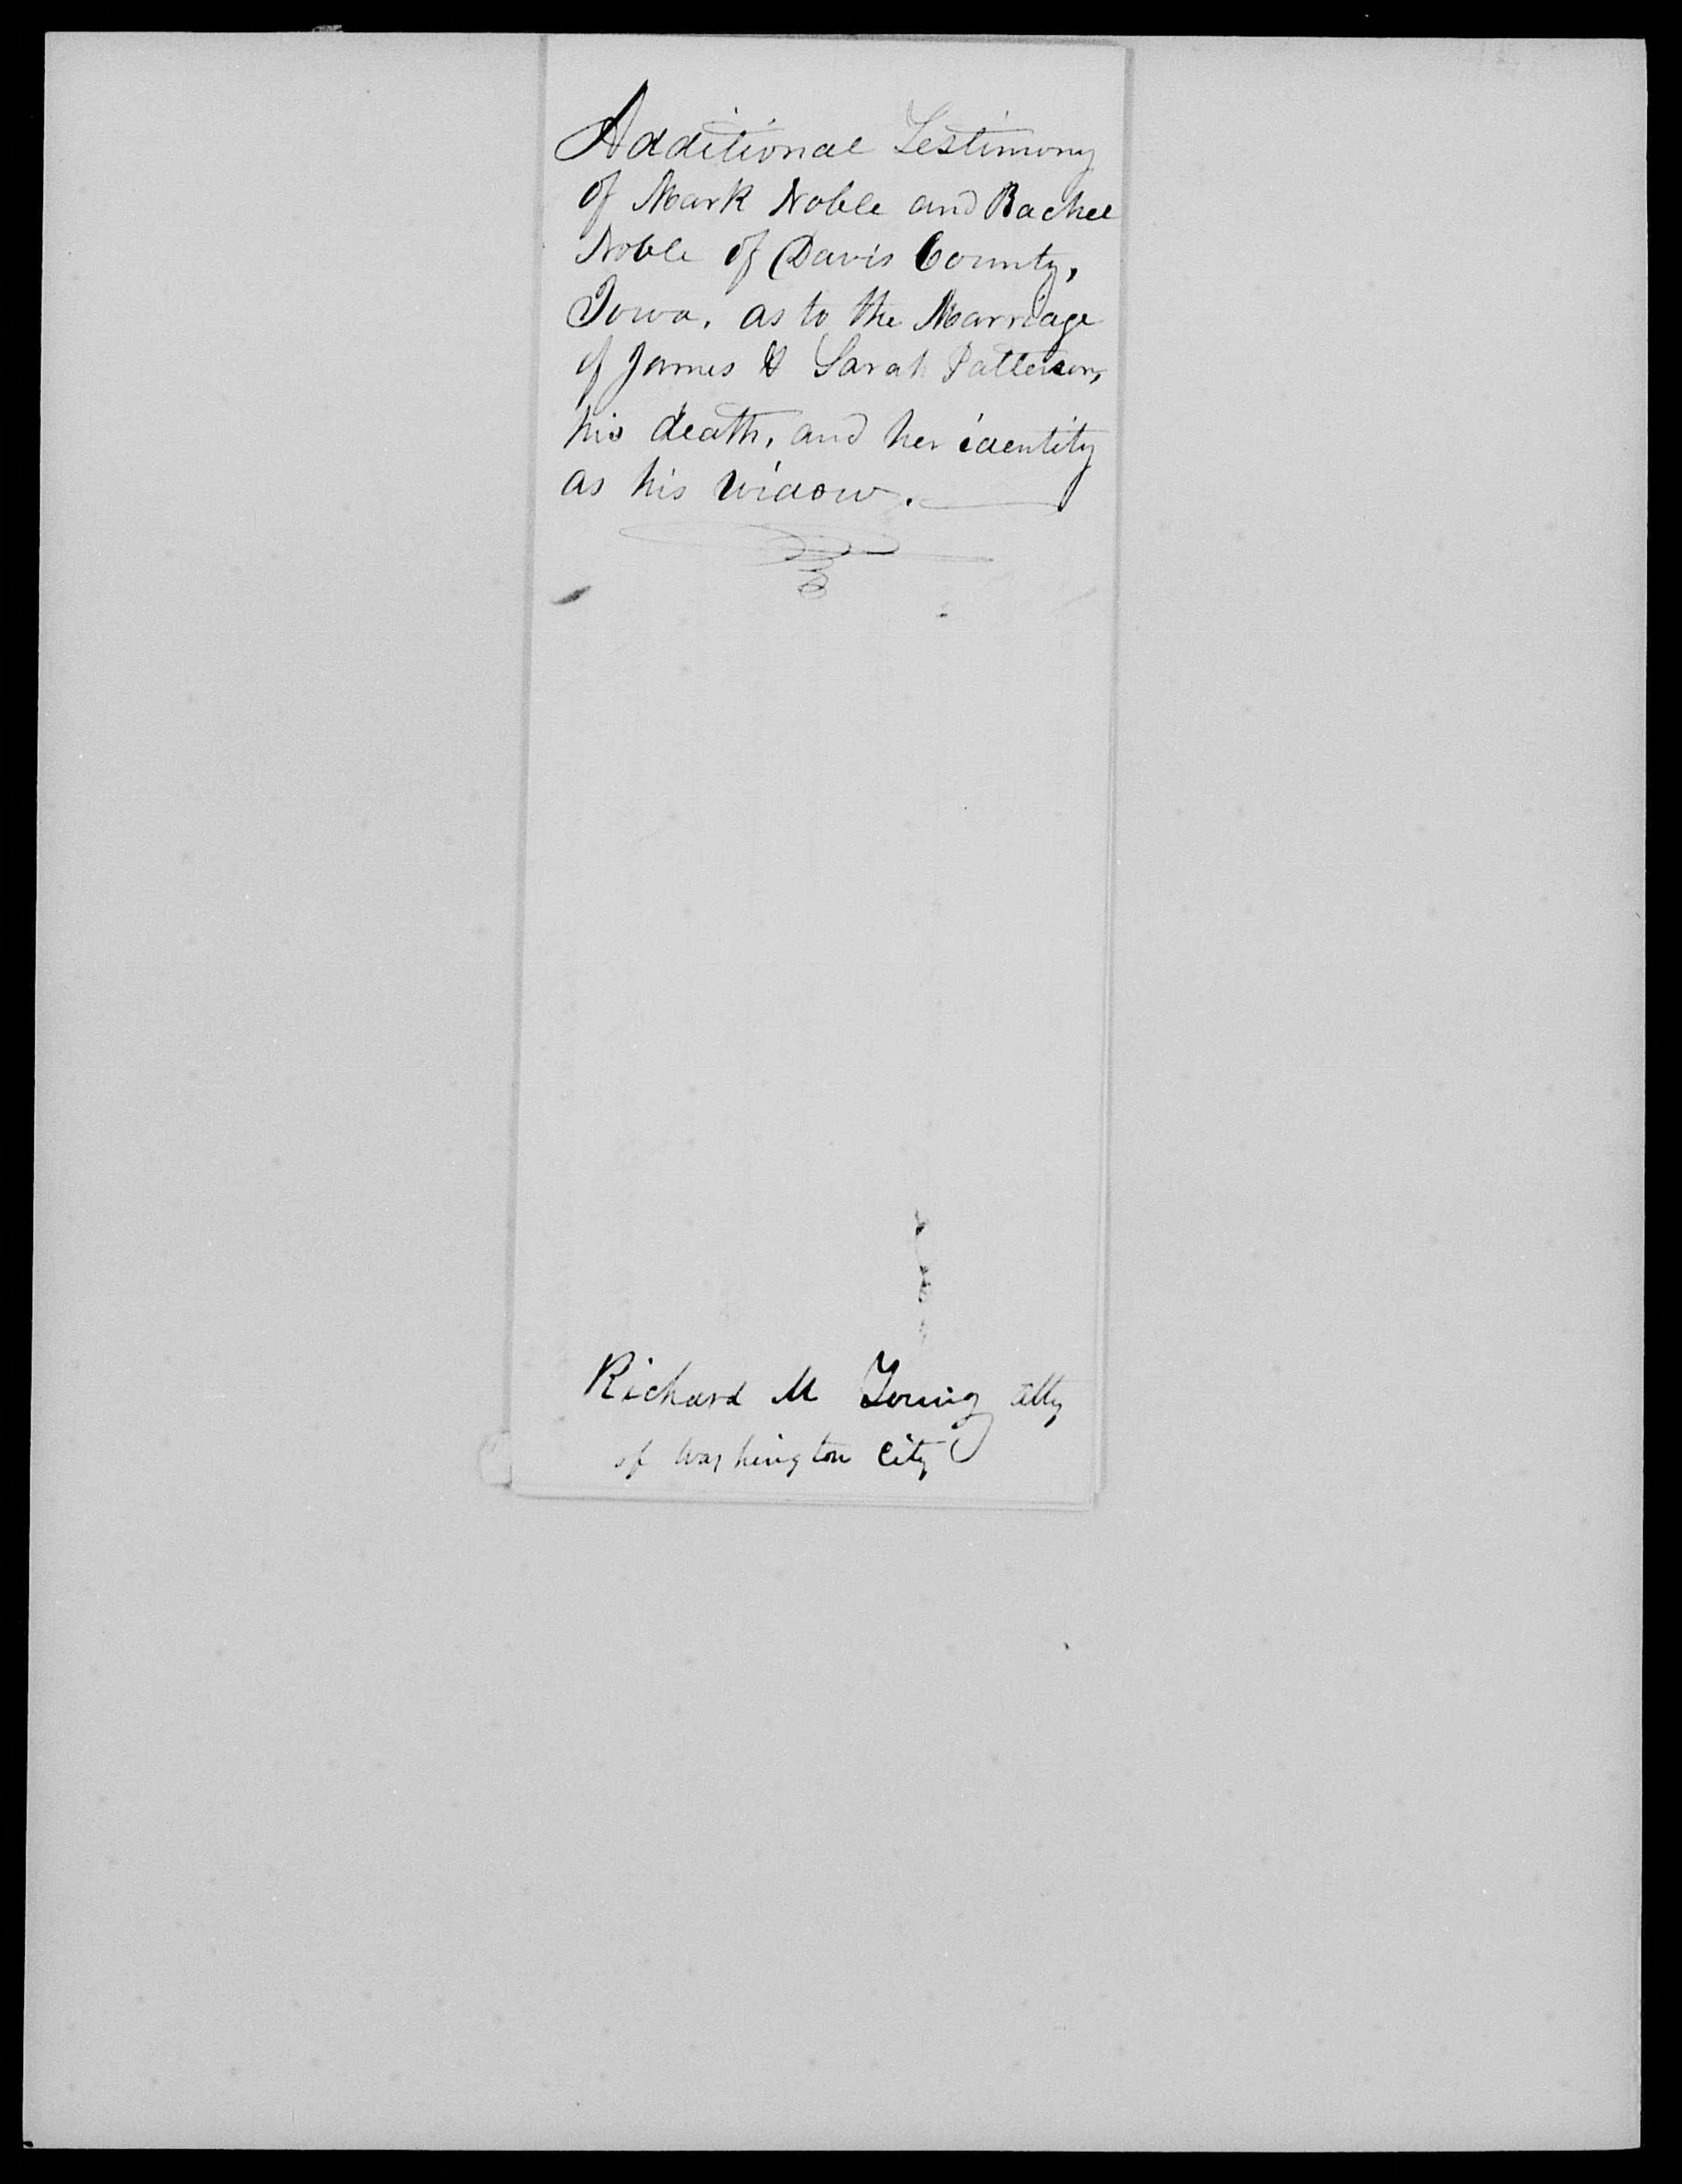Additional Testimony of Mark Noble and Rachel Noble of Davis County, Iowa, as to the Marriage of James & Sarah Patterson, his death, and her identity as his widow. 

Richard M Young atty
of Washington City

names: James Patterson; Sarah Patterson; Mark Noble; Rachel Noble; Richard M Young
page: 5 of 69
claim: widow's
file: W. 10861, for James Patterson, North Carolina